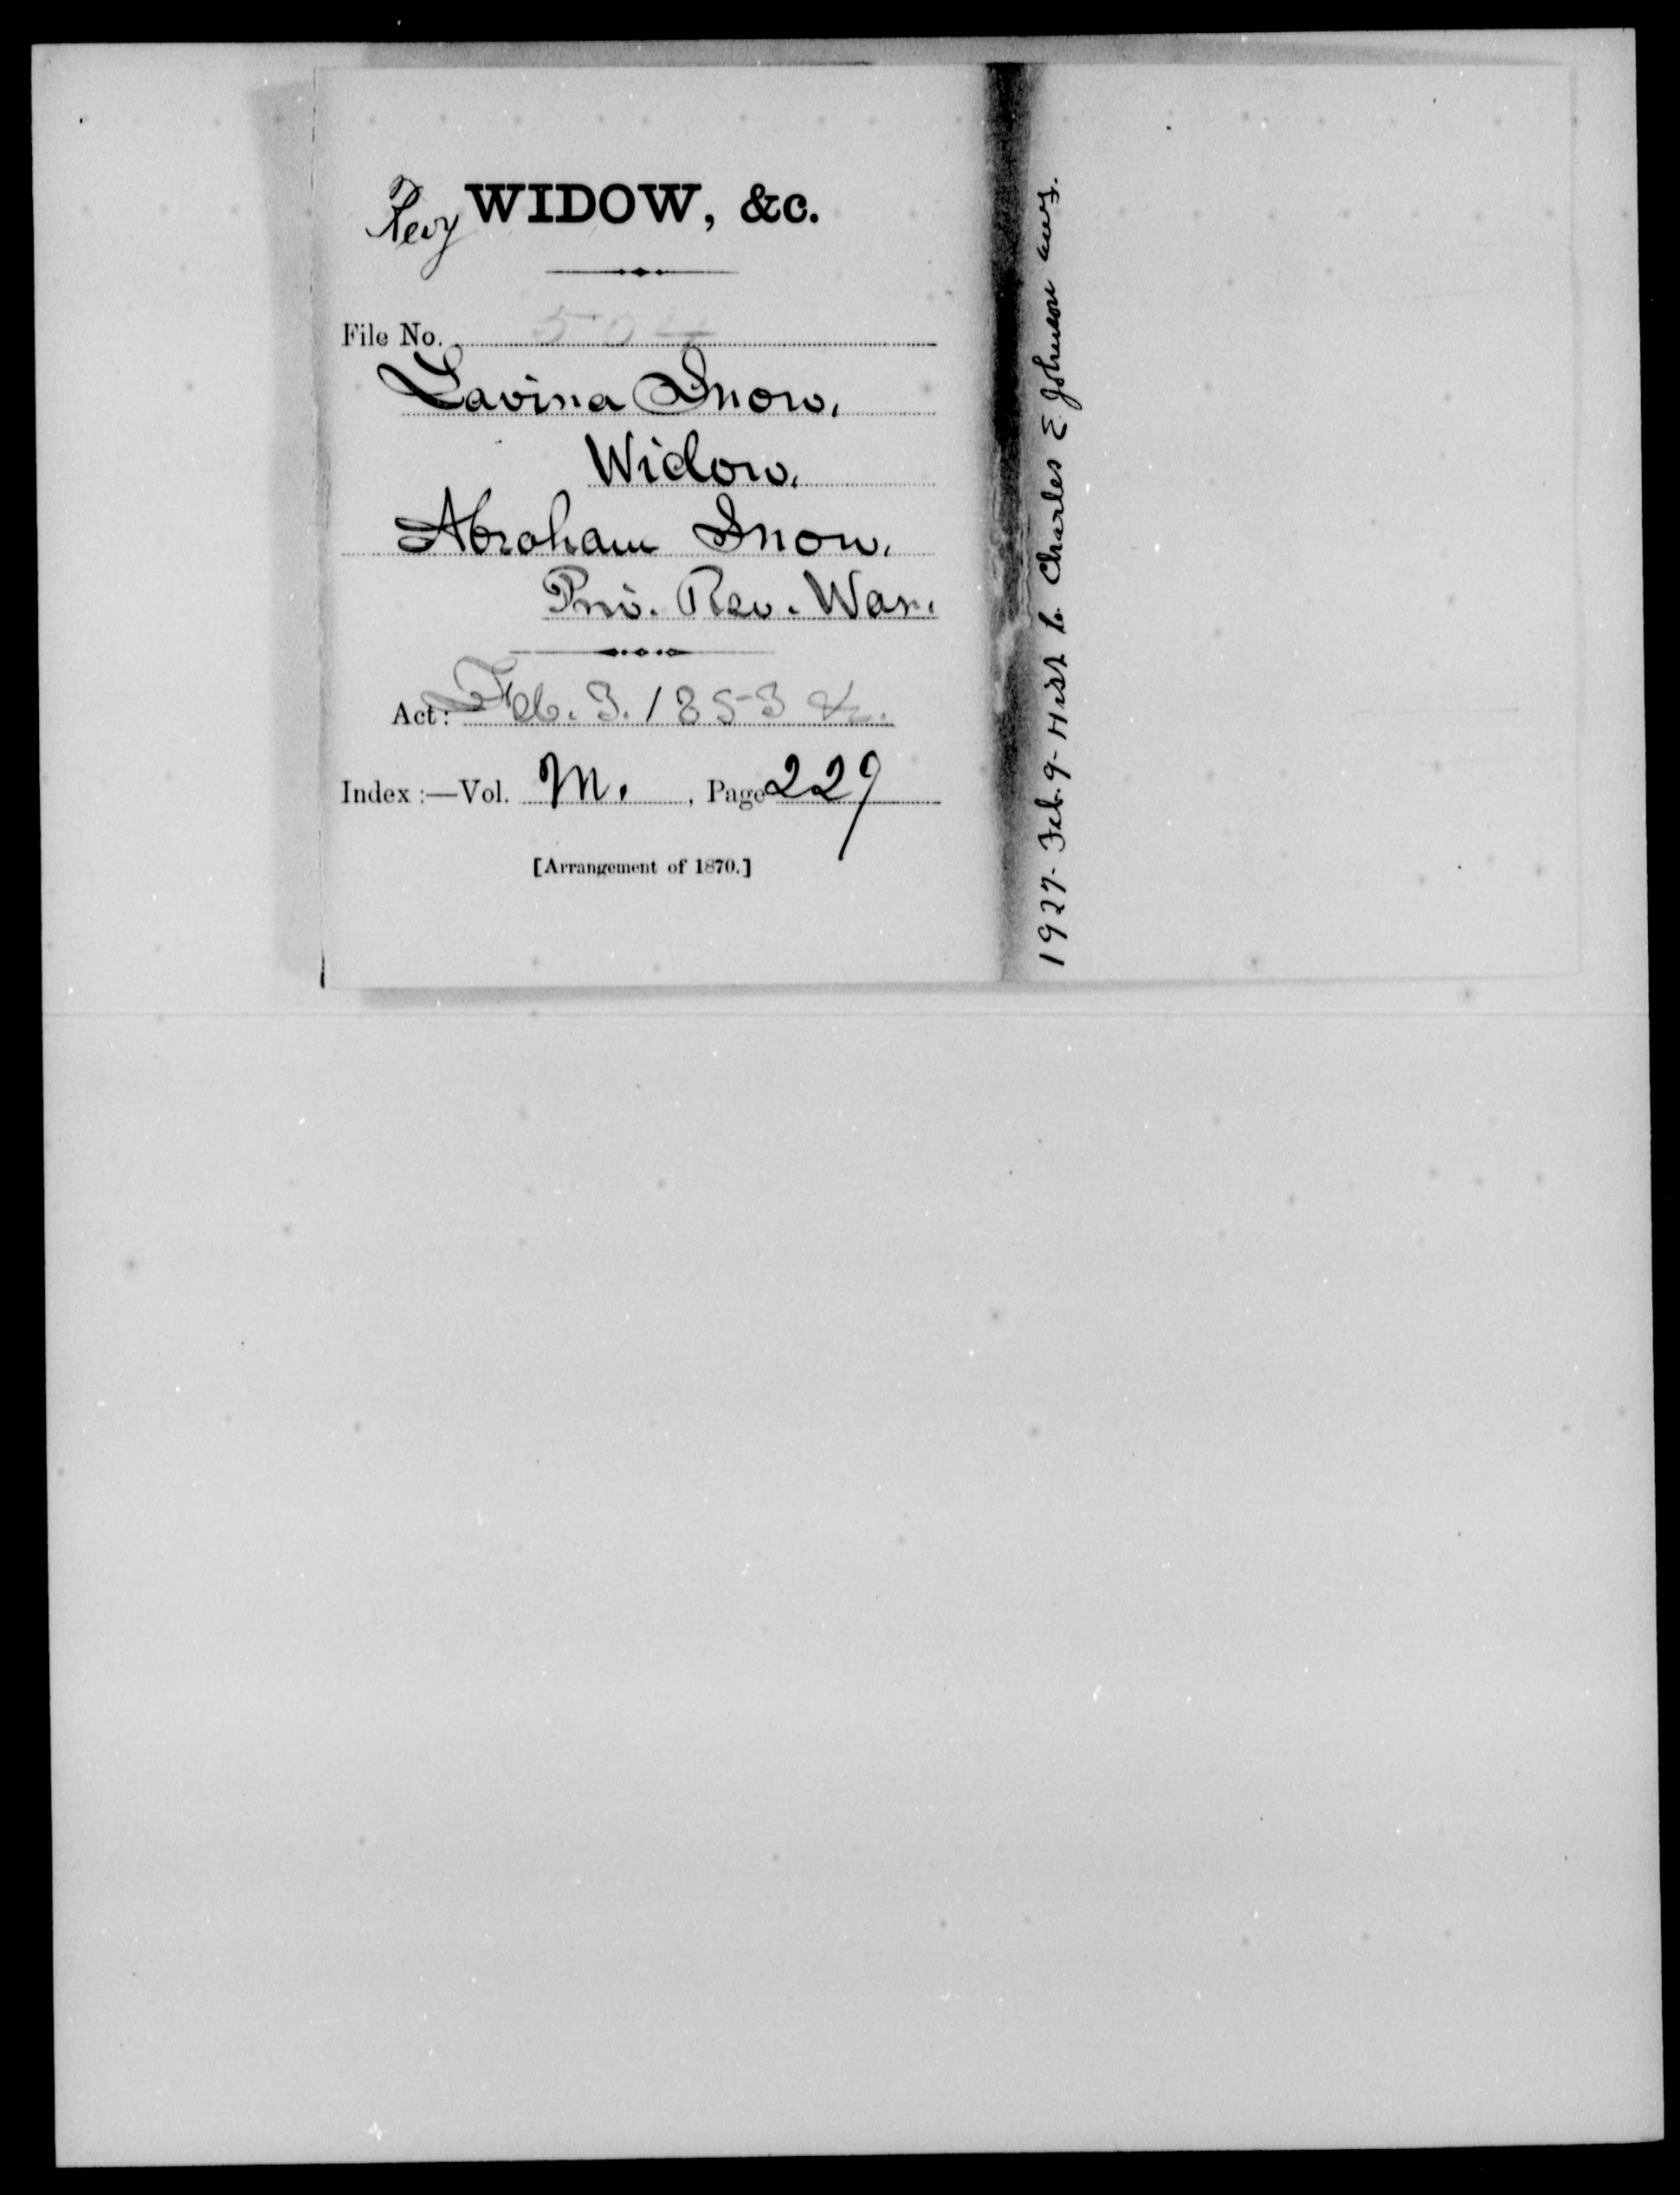Revy Widow, &c
File No. 504
Lavina Snow, Widow, Abraham Snow, Priv. Rev. War.
Act: Feb. 3./ 5-3
Index: --Vol. M., Page 229.
[Arrangement of 1870]
1927 - Feb 9 - Hiss to Charles E. Johnson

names: Abraham Snow; Lavina Snow; Charles E Johnson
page: 46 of 46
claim: widow's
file: W. 504, for Abraham Snow, Connecticut